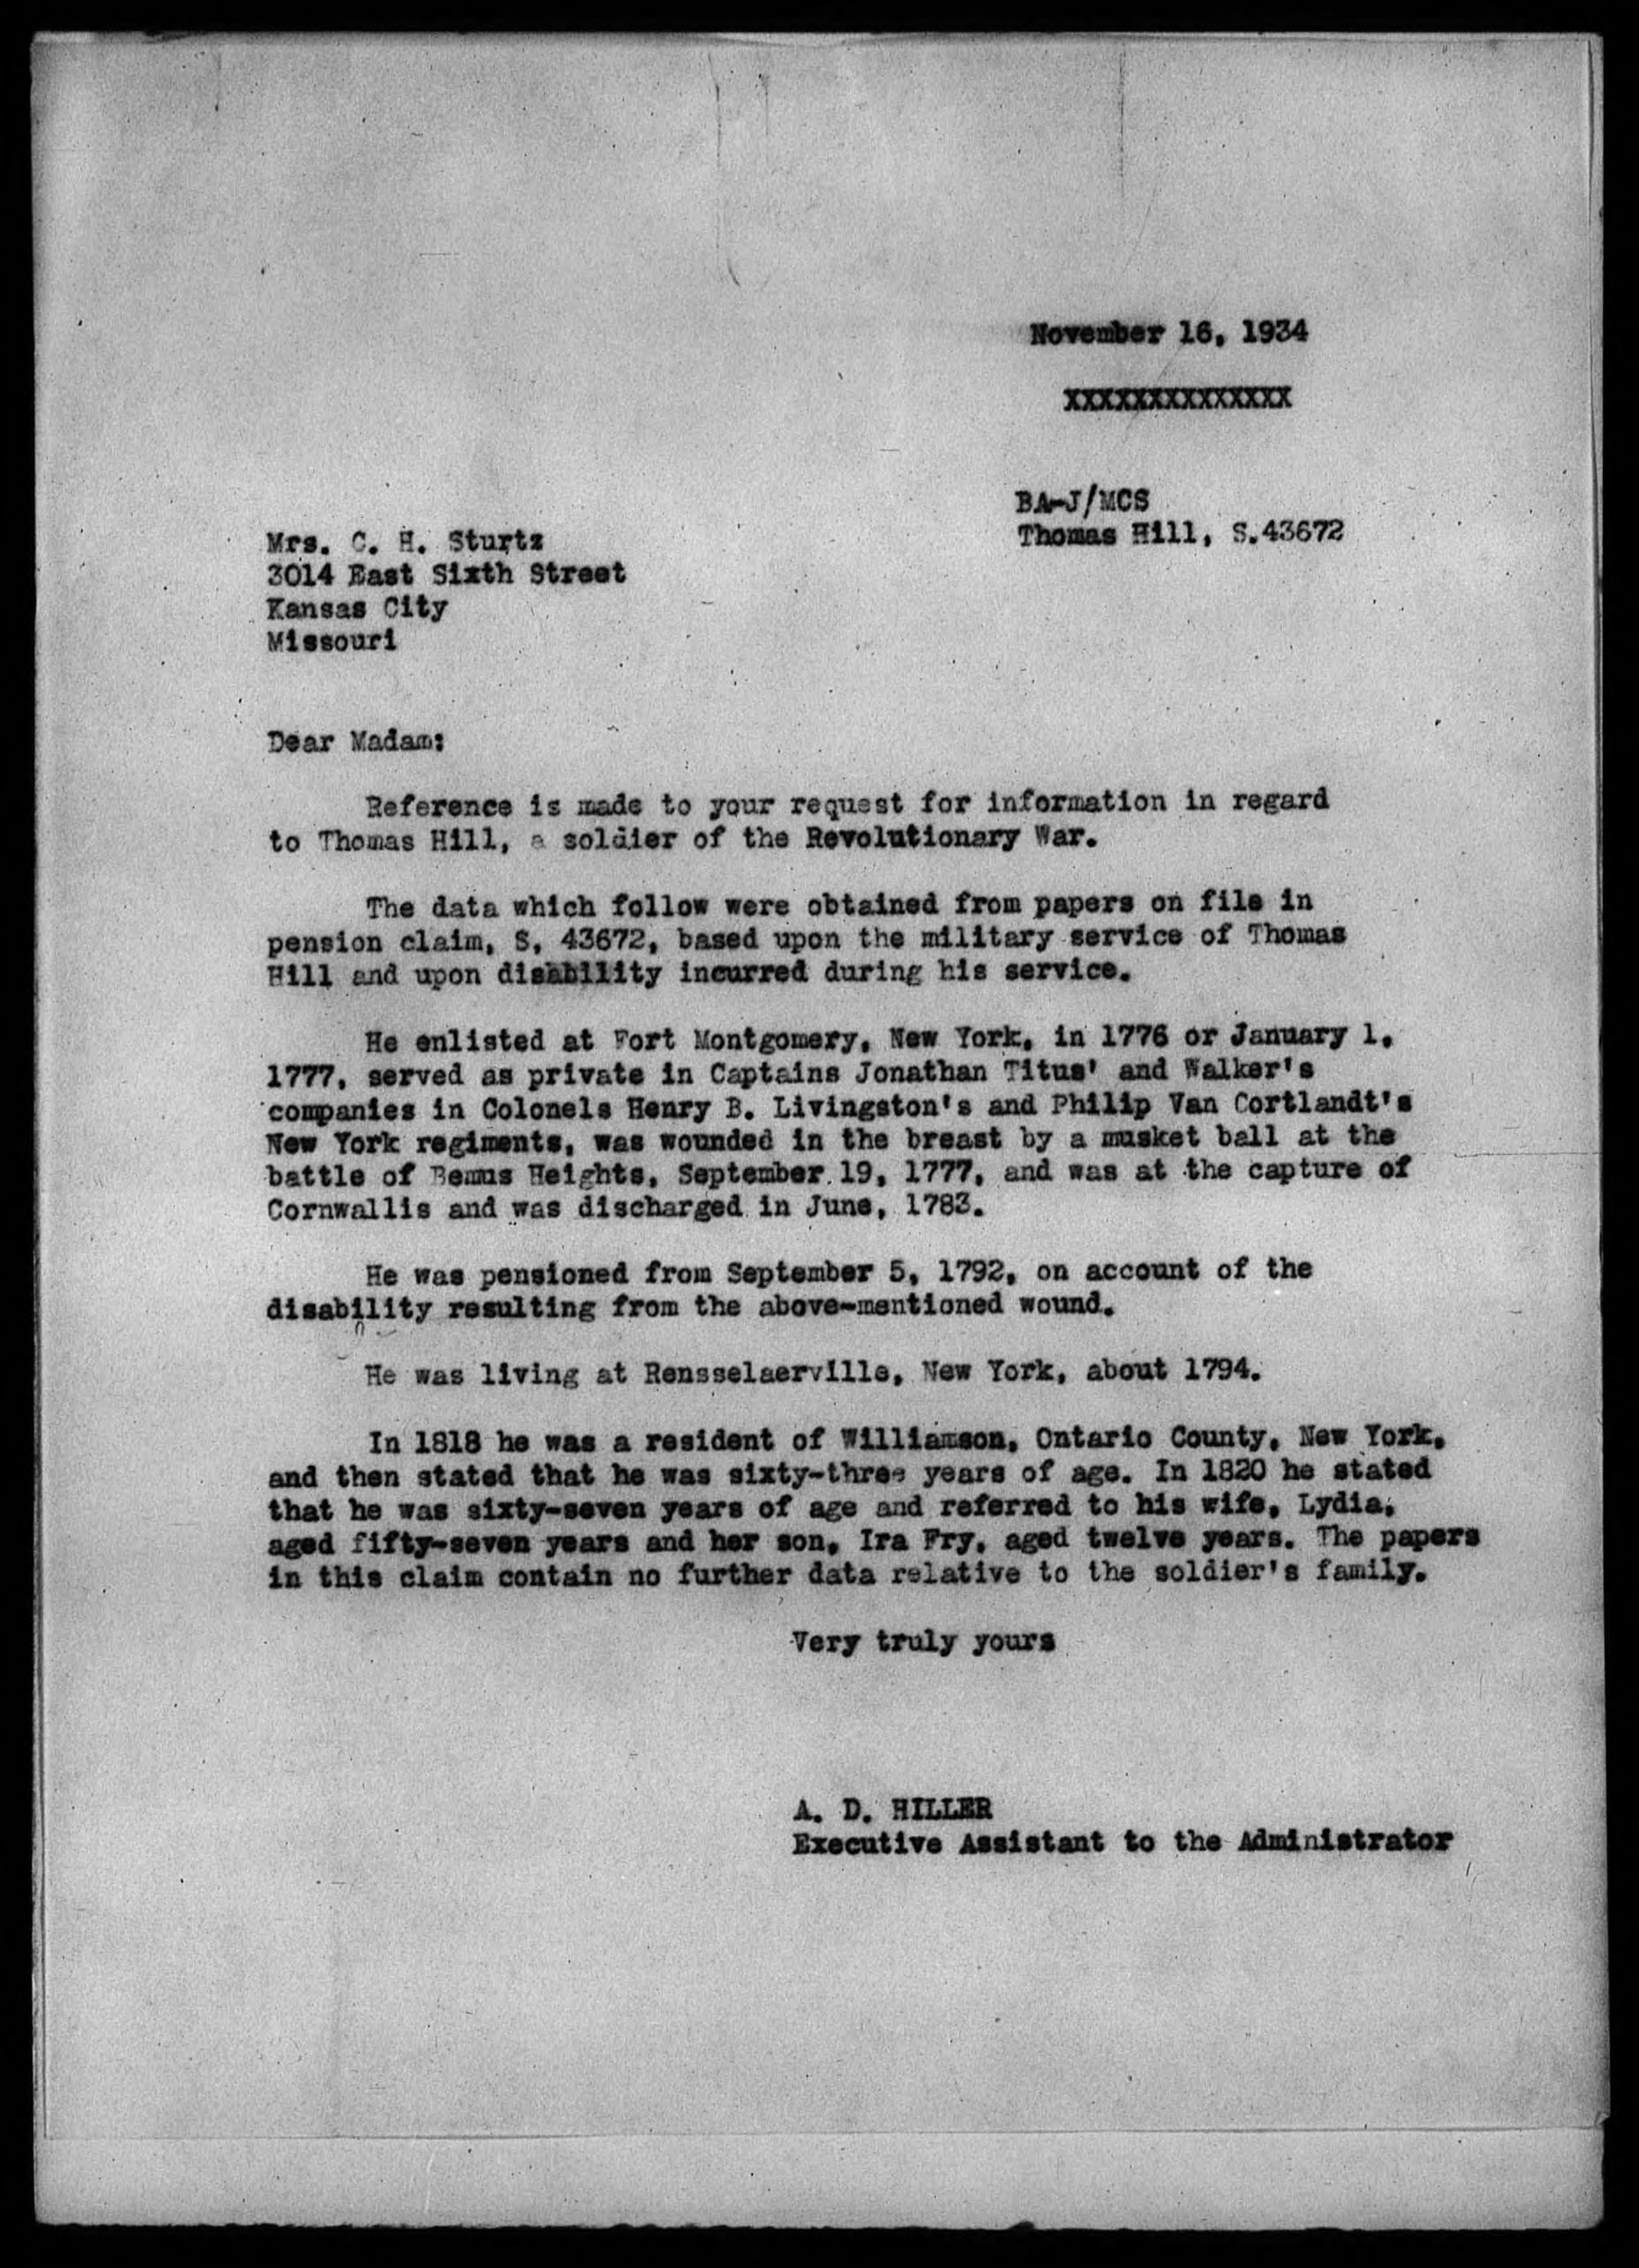[top of document, right aligned] November 16, 1934 XXXXXXXXXXXXXX [space] BA-J/MCS Thomas Hill, S.43672
[left-aligned, beginning across from “Thomas Hill, S.43672”] Mrs. C. H. Sturtz 3014 East Sixth Street Kansas City Missouri

[left-aligned] Dear Madam:

[indent] Reference is made to your request for information in regard to Thomas Hill, a soldier of the Revolutionary War.

[indent] The data which follow were obtained from papers on file in pension claim, S, 43672, based upon the military service of Thomas Hill and upon disability incurred during his service.

[indent] He enlisted at Fort Montgomery, New York, in 1776 or January 1, 1777, served as private in Captains Jonathan Titus’ and Walker’s companies in Colonels Henry B. Livington’s and Philip Van Cortlandt’s New York regiments, was wounded in the breast by a musket ball at the battle of Bemns Heights, September 19, 1777, and was at the capture of Cornwallis and was discharged in June, 1783.

[indent] He was pensioned from September 5, 1792, on account of the disability resulting from the above-mentioned wound.

[indent] He was living at Rensselaerville, New York, about 1794.

[indent] In 1818 he was a resident orf Williamson, Ontario County, New York, and then stated that he was sixty-tre years of age. In 1820 he stated that he was sixty-seven years of age and referred to his wife, Lydia, aged fifty-seven years and her son, Ira Fry, aged twelve years. The papers in this claim contain no further data relative to the soldier’s family.

[centered, slightly right] Very truly yours

[bottom right corner] A. D. MILLER Executive Assistant to the Administrator
[end letter]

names: Ira Fry, Thomas Hill, Thomas Hill, A D Hiller, Thomas Hill, C H Sturtz, Lydia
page: 28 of 31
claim: survivor's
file: S. 43672, Thomas Hill, New York